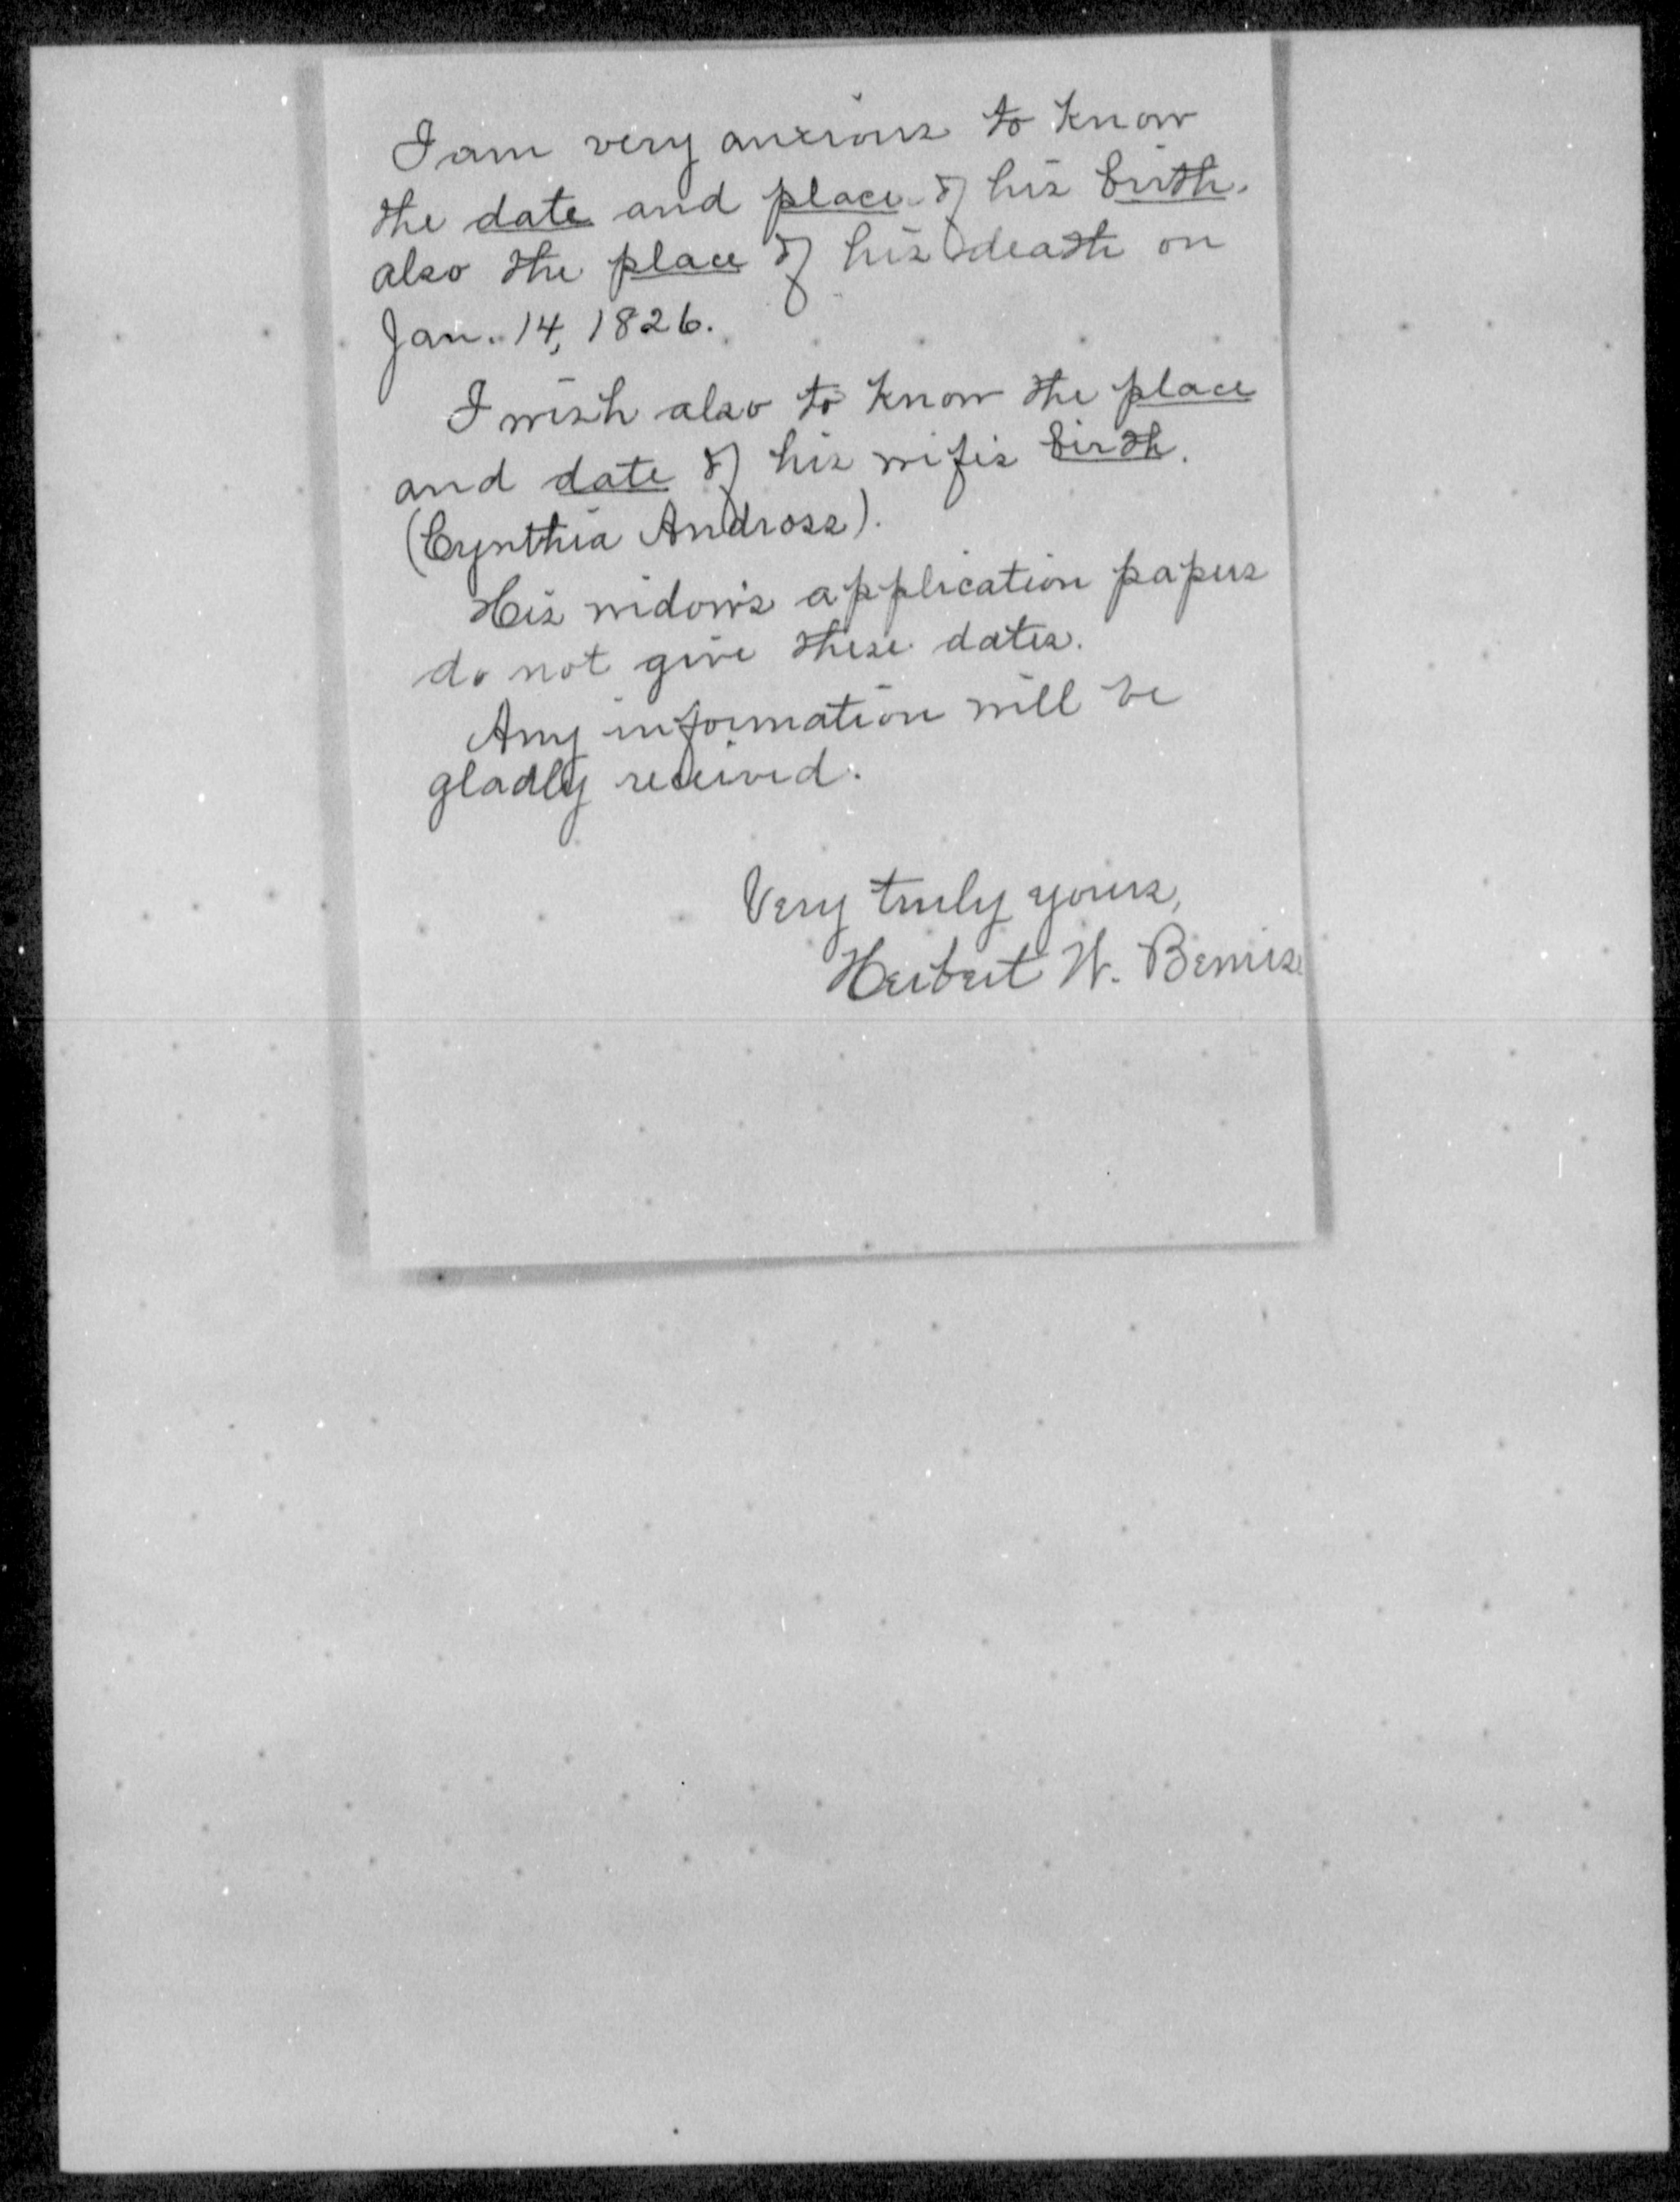I am very anxious to know the date and place of his birth. also the place of his death on Jan. 14, 1826.
I wish also to know the place and date of his wife's birth. (Cynthia Andross)
His widow's application papers do not give these dates.
Any information will be gladly received.
Very truly yours,
Herbert W. Bemis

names: Herbert W Bemis; Cynthia Andross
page: 105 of 109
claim: widow's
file: W. 5709, for Thomas Richards, New Hampshire